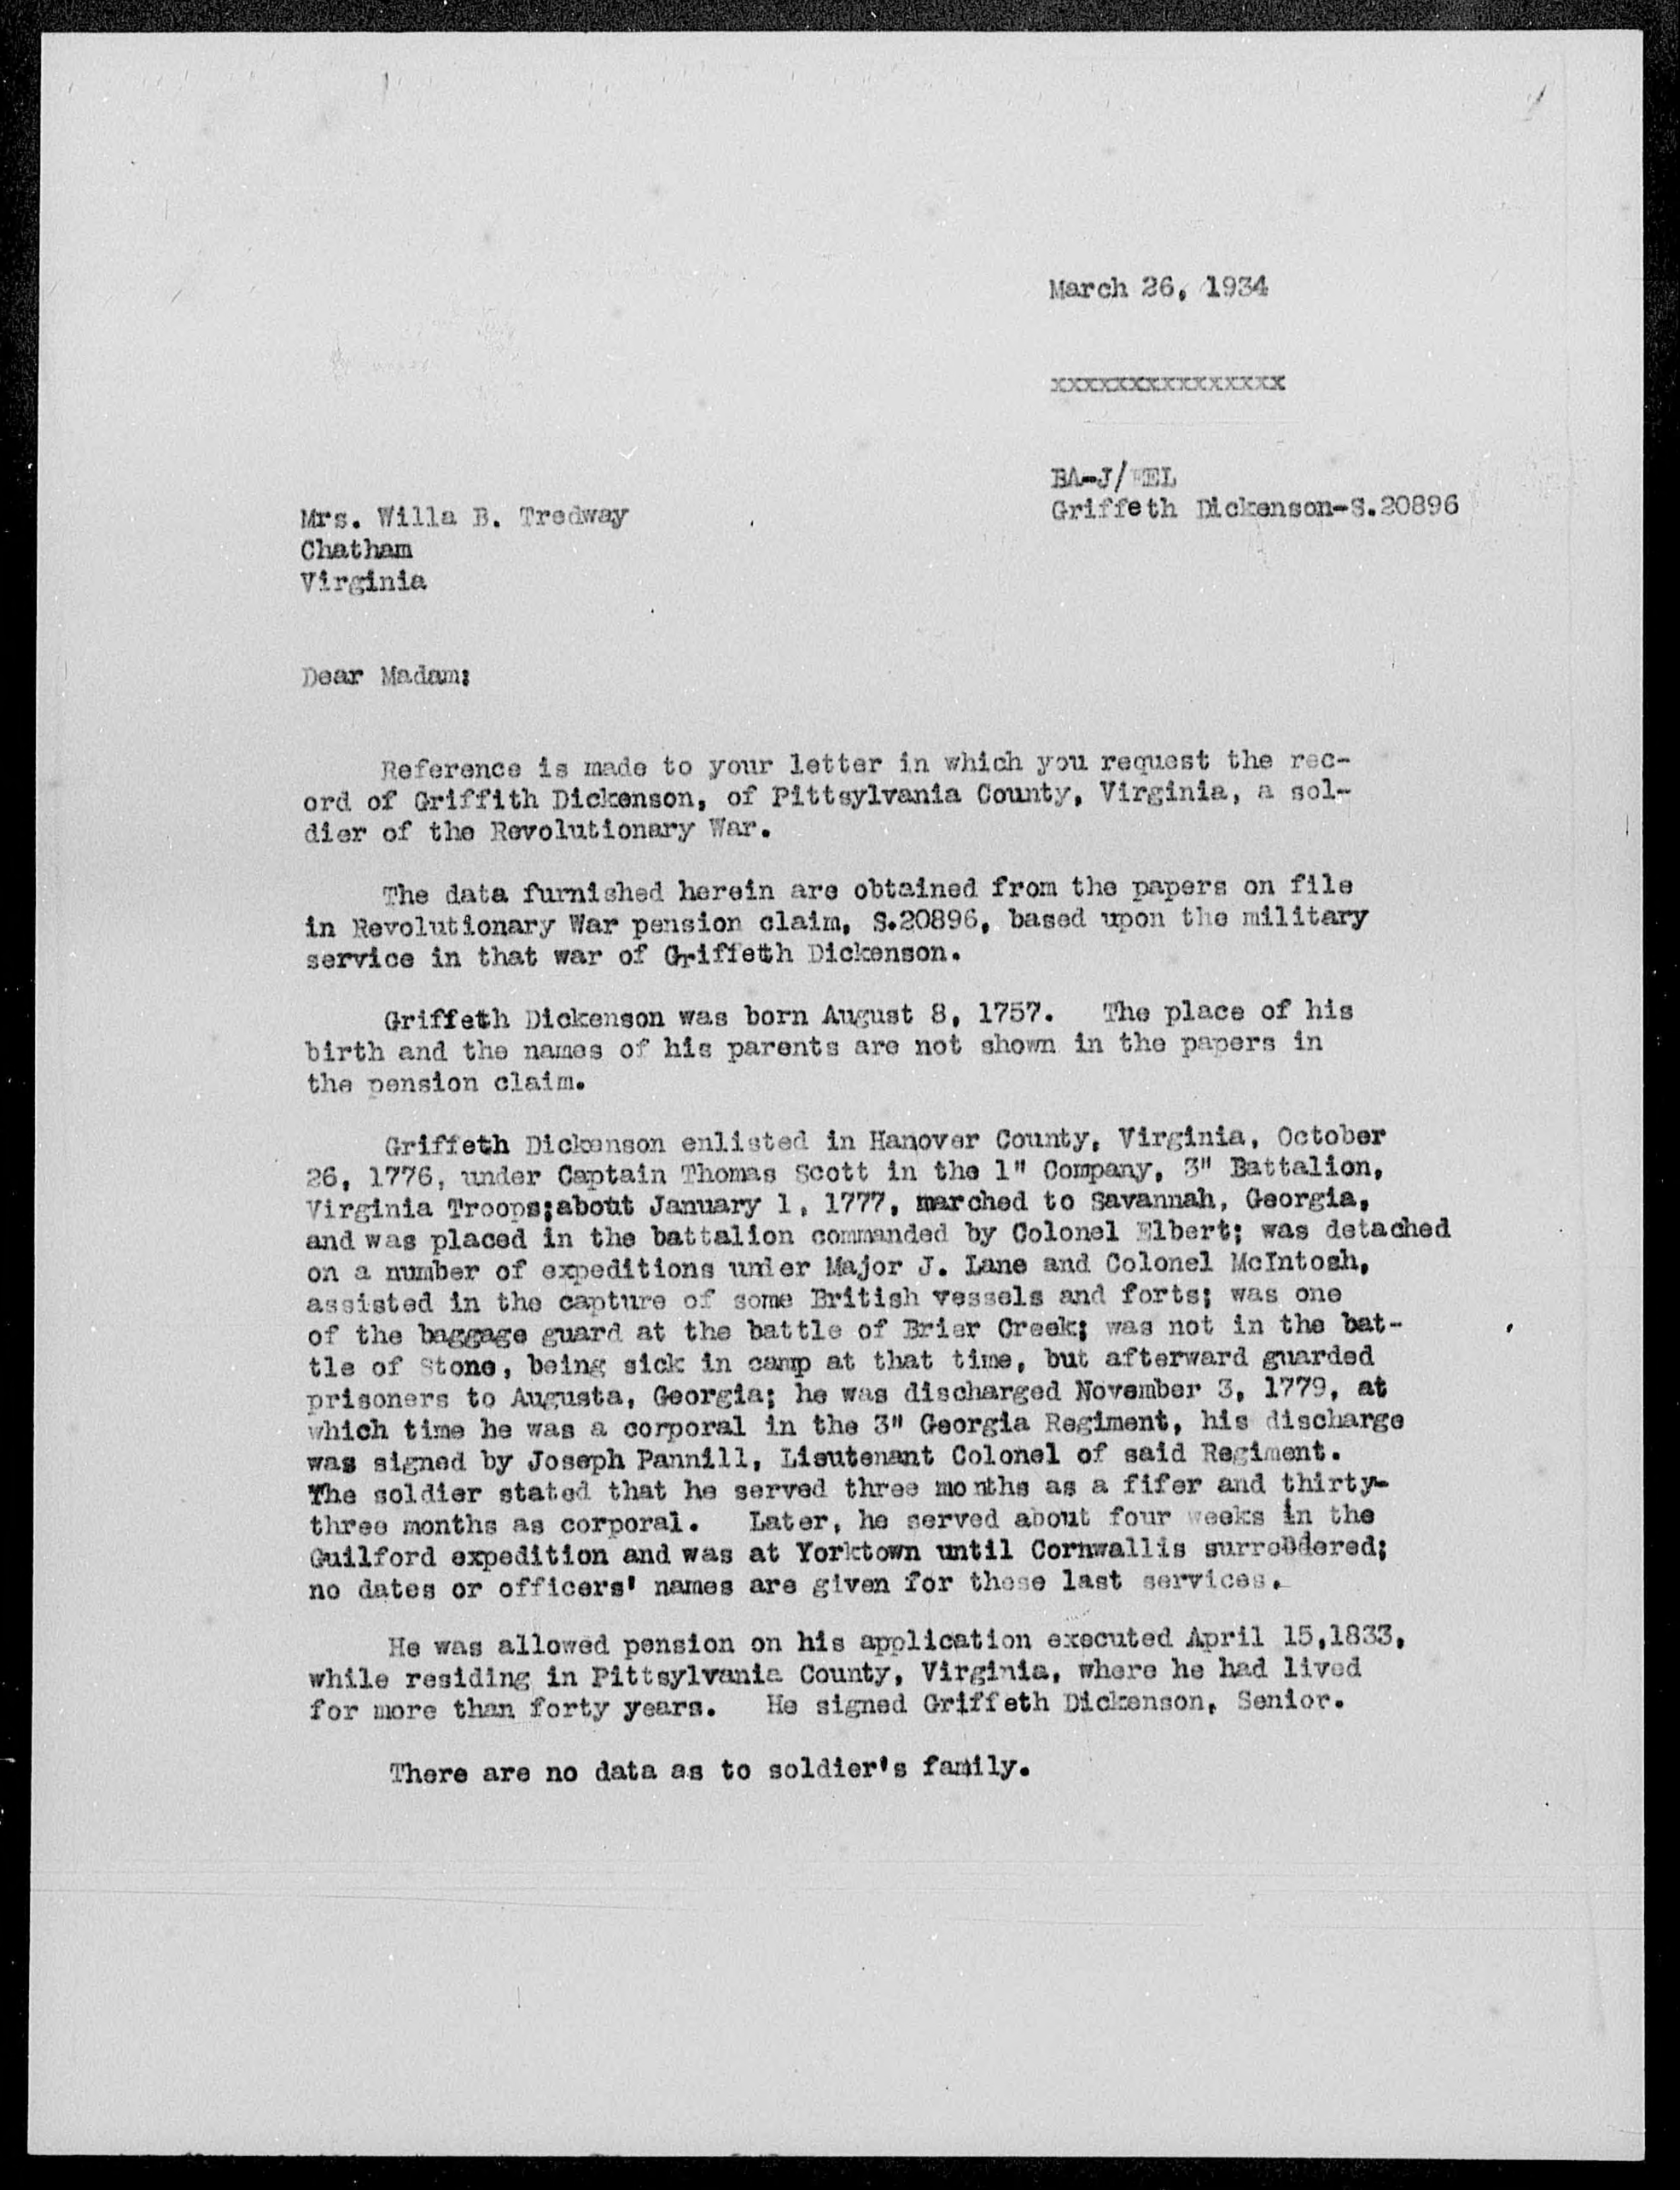March 26 1934

xxxxxxxxxxxx

BA-J/EEL
Griffeth Dickenson-S.20896

Mrs. Willa B.Tredway
Chatham
Virginia

Dear Madam:

Reference is made to your letter in which you request the record of Griffith [Griffeth] Dickeson [Dickenson], of Pittsylvania County, Virginia, a soldier of the Revolutionary War.

The data furnished herein are obtained from the papers on file in Revolutionary War pension claim, S.30896, based upon the military service in that war of Griffeth Dickenson.

Griffeth Dickenson was born August 8, 1757. The place of his birth and the names of his parents are not shown in the papers in the pension claim.

Griffeth Dickenson enlisted in Hanover County, Virgina, October 26, 1776, under Captain Thomas Scott in the 1" Company 3" Battalion, Virginia Troops: about January 1, 1777, marched to Savannah, Georgia, and was placed in the battalion commaned by Colonel Elbert: was detached on a number of expeditions under Major J. Lane and Colonel McIntosh and assisted in the capture of some British vessels and forts: was one of the baggage guard at the battle of Brier Creek: was not in the battle of Stone, being sick in camp at that time, but afterward guarded prisoners to Augusta, Georgia: he was discharged November 3, 1779, at which time was a corporal in the 3" Georgia Regiment, his discharge was signed by Joseph Pannill, Lieutentant Colonel of said Regiment. The soldier stated that he served three months as a fifer and thirty-three months as corporal. Later, he served about four weeks in the Guilford expedition and was at Yorktown until Cornwallis surrendered: no dates nor names of officers are given for these last services.

He was allowed pension on his application executed April 15, 1833, while residing in Pittsylvania County, VIrginia where he had lived for more than forty years. He signed Griffeth Dickenson, Senior.

There are no data as to soldier's family.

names: Willa B Tredway, Thomas Scott, Elbert, Cornwallis, Griffith Dickenson, Griffeth Dickenson, Griffeth Dickenson, Mc Intosh, Griffeth Dickenson, Joseph Pannill, J Lane, Griffeth Dickenson, Griffeth Dickenson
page: 18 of 26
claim: survivor's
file: S. 20896, Griffeth Dickenson, Ga. Va.